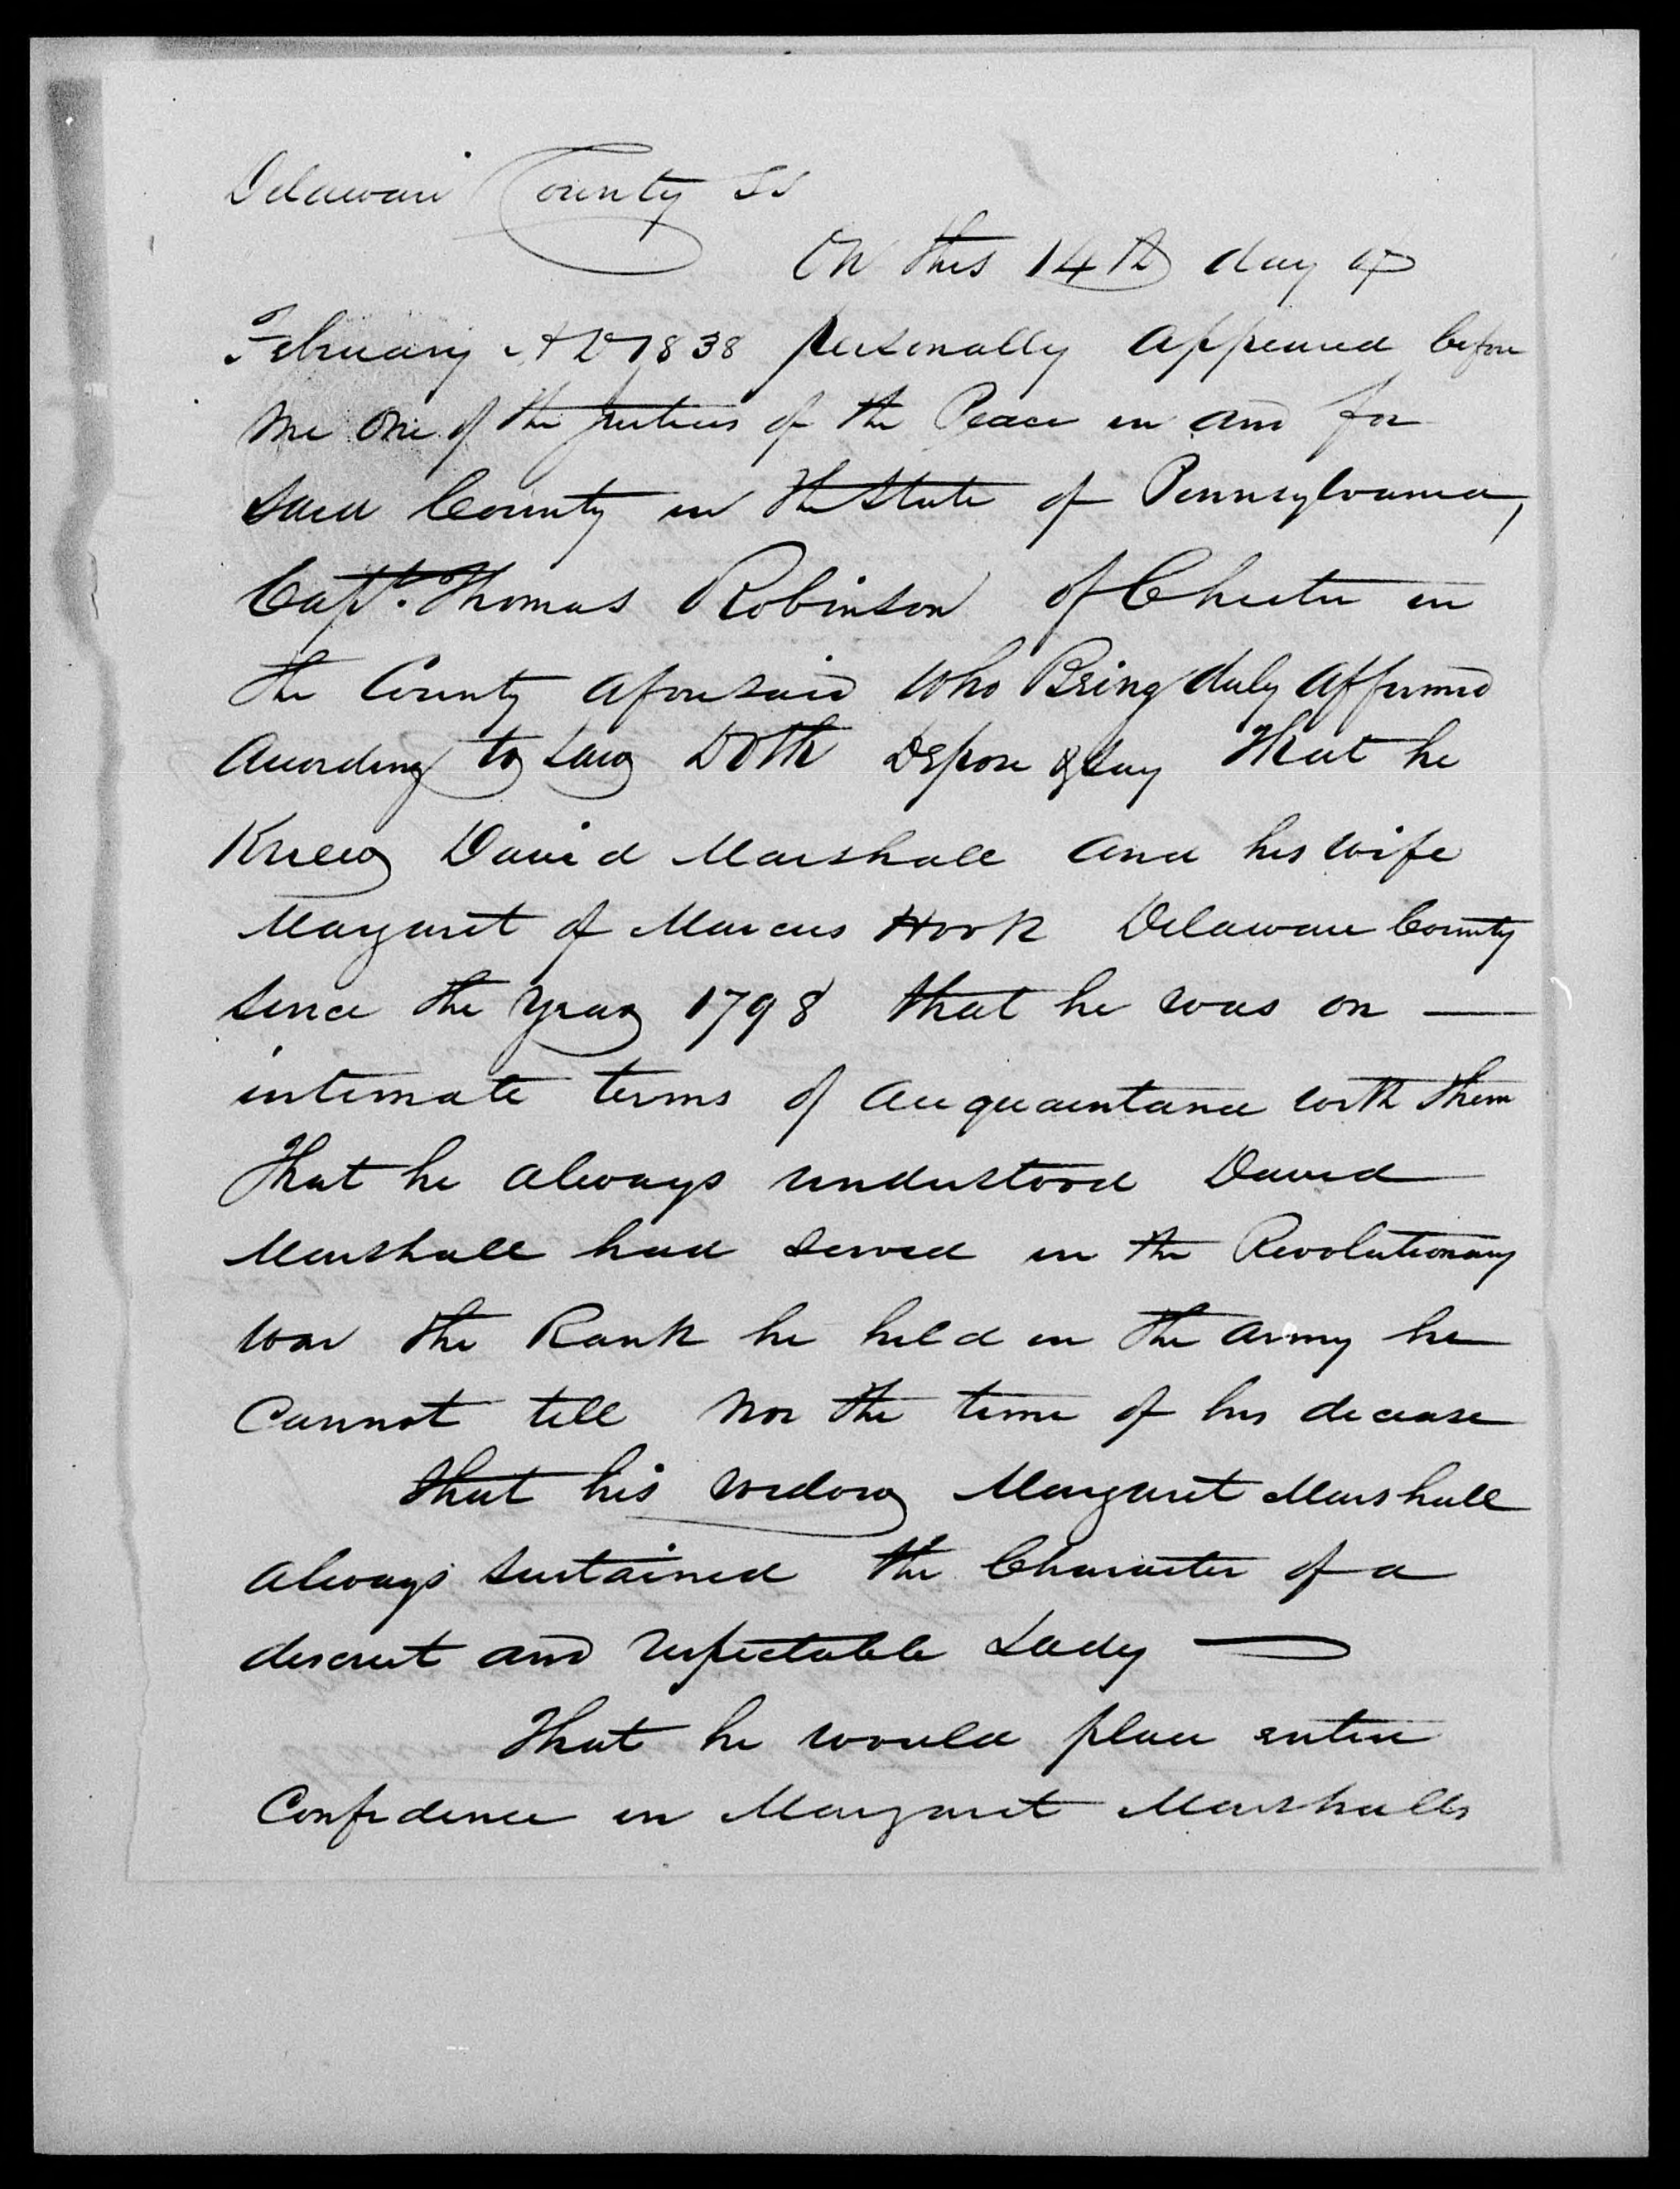Delaware County

On this 14th day of February A.D. 1838 personally appeared before me one of the Justices of the Peace in and for said County in the State of Pennsylvania, Cape. Thomas Robinson of Chester in the County aforesaid, who being duly affirmed accord to law doth depose and say that he knew David Marshall and his wife Margaret of Marcus Hook Delaware County since the year 1798 that he was on intimate terms of acquaintance with the. That he always understood David Marshall had served in the Revolutionary War the Rank he held in the Army, he cannot tell nor the time of his decease.

That his widow Margaret Marshall always sustained the character of a discreet and respectable lady.

That he would place entire confidence in Margaret Marshall's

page: 40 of 86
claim: widow's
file: W. 3571, for David Marshall, Pennsylvania